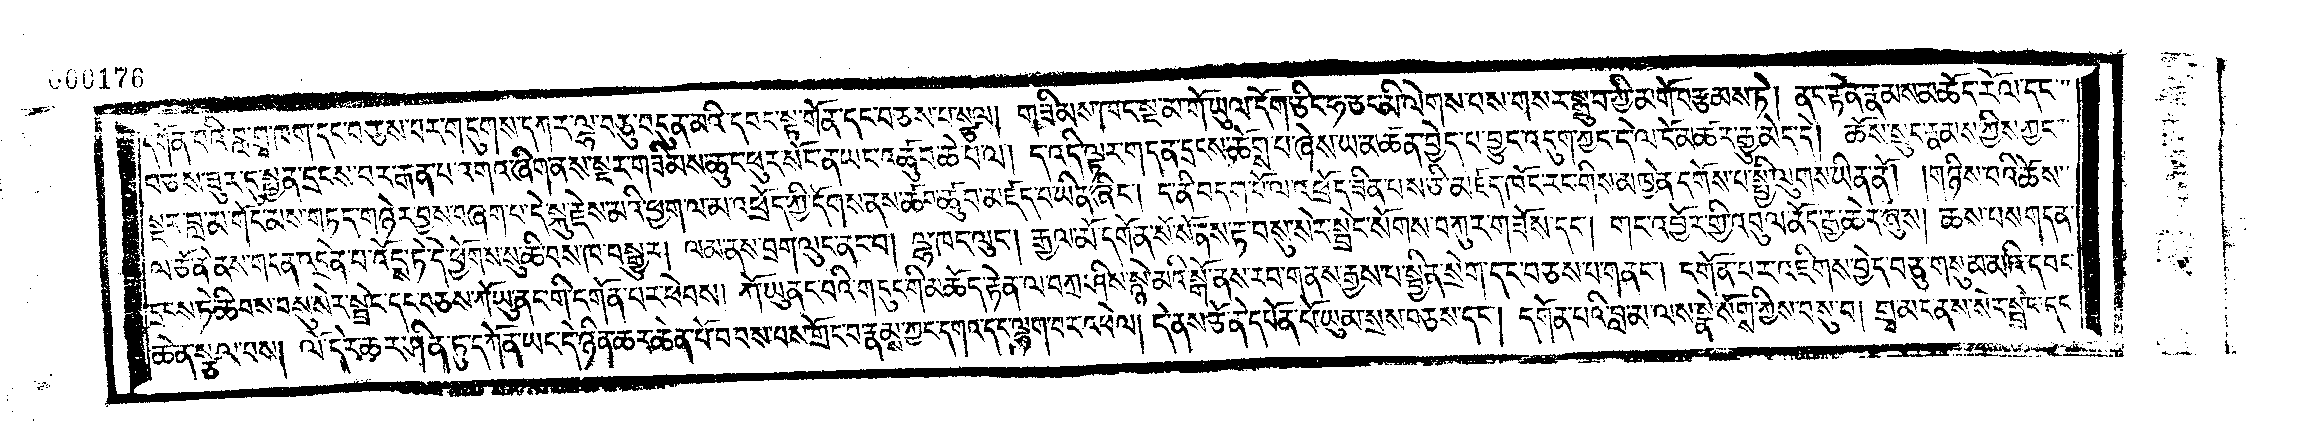དགོན་པའི་བླ་གྲྭ་ཁག་དང་བཅས་པར་གདུགས་དཀར་ལྷ་བཅུ་བདུན་མའི་དབང་སྟ་གོན་དང་བཅས་པ་སྩལ། གཟིམས་ཁང་སྔ་མ་གོ་ཡུལ་དོག་ཅིང་ཧ་ཅང་མི་ལེགས་པས་གསར་སྒྲུབ་ཀྱི་མགོ་བརྩམས་ཏེ། ནང་རྟེན་རྣམས་མཆོད་རོལ་དང་
བཅས་ཟུར་དུ་སྤྱན་དྲངས་པར་རྒན་པ་འགའ་ཞིག་ནས་སྔར་གཟིམས་ཆུང་ཕུར་སོང་ན་ཡང་འཚུབ་ཆེ་བ་ལ། ད་འདི་ལྟར་གདན་དྲངས་ཆོགས་པ་ཞེས་ཡ་མཚན་བྱེད་པ་བྱུང་འདུག་ཀྱང་དེ་ལ་ངོ་མཚར་རྒྱུ་མེད་དེ། ཆོས་སྲུང་རྣམས་ཀྱིས་ཀྱང་
སྔར་བླ་མ་གོང་མས་གཏད་གཉེར་བྱས་བཞག་པ་དེ་སྐུ་རྗེས་མའི་ཕྱག་ལ་མ་འཕྲོད་ཀྱི་དོགས་ནས་ཚབ་ཚུབ་མཛད་པ་ཡིན་ཞིང་། ད་ནི་བདག་པོ་ལ་འཕྲོད་ཟིན་པས་ཅི་མཛད་ཁོང་རང་གིས་མཁྱེན་དགོས་པ་སྤྱི་ལུགས་ཡིན་ནོ། །གཉིས་པའི་ཚེས་
ལ་ཅོ་ནེ་ནས་གདན་འདྲེན་པ་འོངས་ཏེ་དེ་ཕྱོགས་སུ་ཆིབས་ཁ་བསྒྱུར། ལམ་ནས་བྲག་ལུང་ནང་བ། ལྷ་ཁང་ལུང་། རྒྱལ་མོ་དགོན་སོ་སོ་ནས་རྟ་བསུ་སེར་སྦྲེང་སོགས་བཀུར་གཟོས་དང་། གང་འབྱོར་གྱི་འབུལ་ནོད་རྒྱ་ཆེར་ཞུས། ཆས་བས་གདན་
དྲངས་ཏེ་ཆིབས་བསུ་སེར་སྦྲེང་དང་བཅས་ཀོ་ཡུ་ནང་གི་དགོན་པར་ཕེབས། ཀོ་ཡུ་ནང་བའི་གདུང་གི་མཆོད་རྟེན་ལ་བཀྲ་ཤིས་སྙེ་མའི་སྒོ་ནས་རབ་གནས་རྒྱས་པ་སྦྱིན་སྲེག་དང་བཅས་པ་གནང་། དགོན་པར་འཇིགས་བྱེད་བཅུ་གསུམ་མའི་དབང་
ཆེན་སྩལ་པས། ལོ་དེར་ཆར་ཤིན་ཏུ་དཀོན་ཡང་དེ་ཉིན་ཆར་ཆེན་པོ་བབས་བས་གྲོང་བ་རྣམས་ཀྱང་དགའ་དང་ལྷག་པར་འཕེལ། དེ་ནས་ཅོ་ནེ་དཔོན་པོ་ཡུམ་སྲས་བཅས་དང་། དགོན་པའི་བླ་མ་ལས་སྣེ་སོགས་ཀྱིས་བསུ་བ། གྲྭ་མང་ནས་སེར་སྦྲེང་དང་